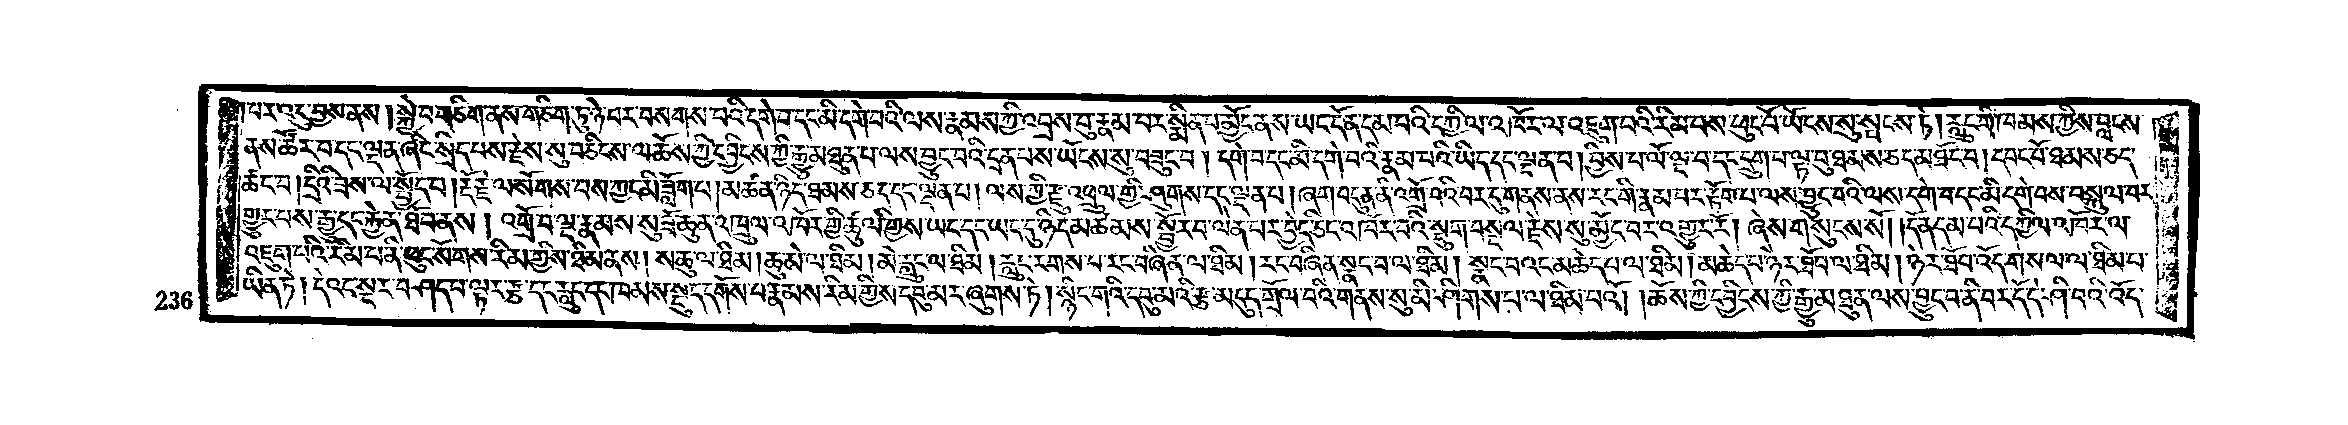པར་འདུ་བྱས་ནས། སྐྱེ་བ་གཅིག་ནས་གཅིག་ཏུ་ཉེ་བར་བསགས་པའི་དགེ་བ་དང་མི་དགེ་བའི་ལས་རྣམས་ཀྱི་འབྲས་བུ་རྣམ་པར་སྨིན་པ་མྱོང་ནས་ཡང་དོན་དམ་པའི་དཀྱིལ་འཁོར་ལ་འཇུག་པའི་རིམ་པས་ཕུང་པོ་ཡོངས་སུ་སྤངས་ཏེ། རླུང་གི་ཁམས་ཀྱིས་བླངས་
ནས་ཚོར་བ་དང་ལྡན་ཞིང་སྲིད་པས་རྗེས་སུ་བཅིངས་ལ་ཆོས་ཀྱི་དབྱིངས་ཀྱི་རྒྱུ་མཐུན་པ་ལས་བྱུང་བའི་དྲན་པས་ཡོངས་སུ་བཟུང་བ། དགེ་བ་དང་མི་དགེ་བའི་རྣམ་པའི་ཡིད་དང་ལྡན་པ། བྱིས་པ་ལོ་ལྔ་པ་དང་དྲུག་པ་ལྟ་བུ་ཐམས་ཅད་མཐོང་བ། དབང་པོ་ཐམས་ཅད་
ཚང་བ། དྲིའི་ཟས་ལ་སྤྱོད་པ། རྡོ་རྗེ་ལ་སོགས་པས་ཀྱང་མི་ཟློག་པ། མཚན་ཉིད་ཐམས་ཅད་དང་ལྡན་པ། ལས་ཀྱི་རྫུ་འཕྲུལ་གྱི་ཤུགས་དང་ལྡན་པ། ཞག་བདུན་ནི་འགྲོ་བའི་བར་དུ་གནས་ནས་རང་གི་རྣམ་པར་རྟོག་པ་ལས་བྱུང་བའི་ལས་དགེ་བ་དང་མི་དགེ་བས་བསྐུལ་བར་
གྱུར་པས་རྒྱུ་དང་རྐྱེན་ཐོབ་ནས། འགྲོ་བ་ལྔ་རྣམས་སུ་ཟོ་ཆུན་འཁྲུལ་འཁོར་གྱི་ཚུལ་གྱིས་ཡང་དང་ཡང་དུ་ཉིང་མཚམས་སྦྱོར་བ་ལེན་པར་བྱེད་ཅིང་འཁོར་བའི་སྡུག་བསྔལ་རྗེས་སུ་མྱོང་བར་འགྱུར་རོ། ཞེས་གསུངས་སོ། །དོན་དམ་པའི་དཀྱིལ་འཁོར་ལ་
འཇུག་པའི་རིམ་པ་ནི་ཕུང་སོགས་རིམ་གྱིས་ཐིམ་ནས། ས་ཆུ་ལ་ཐིམ། ཆུ་མེ་ལ་ཐིམ། མེ་རླུང་ལ་ཐིམ། རླུང་རགས་པ་རང་བཞིན་ལ་ཐིམ། རང་བཞིན་སྣང་བ་ལ་ཐིམ། སྣང་བའང་མཆེད་པ་ལ་ཐིམ། མཆེད་པ་ཉེར་ཐོབ་ལ་ཐིམ། ཉེར་ཐོབ་འོད་གསལ་ལ་ཐིམ་པ་
ཡིན་ཏེ། དེའང་སྔར་བཤད་པ་ལྟར་རྩ་དང་རླུང་དང་ཁམས་སྡུད་དགོས་པ་རྣམས་རིམ་གྱིས་དབུ་མར་ཞུགས་ཏེ། སྙིང་གའི་དབུ་མའི་རྩ་མདུད་གྲོལ་བའི་གནས་སུ་མི་ཤིགས་པ་ལ་ཐིམ་པའོ། །ཆོས་ཀྱི་དབྱིངས་ཀྱི་རྒྱུ་མཐུན་ལས་བྱུང་བ་ནི་བར་དོ་དེ་ཤི་བའི་འོད་